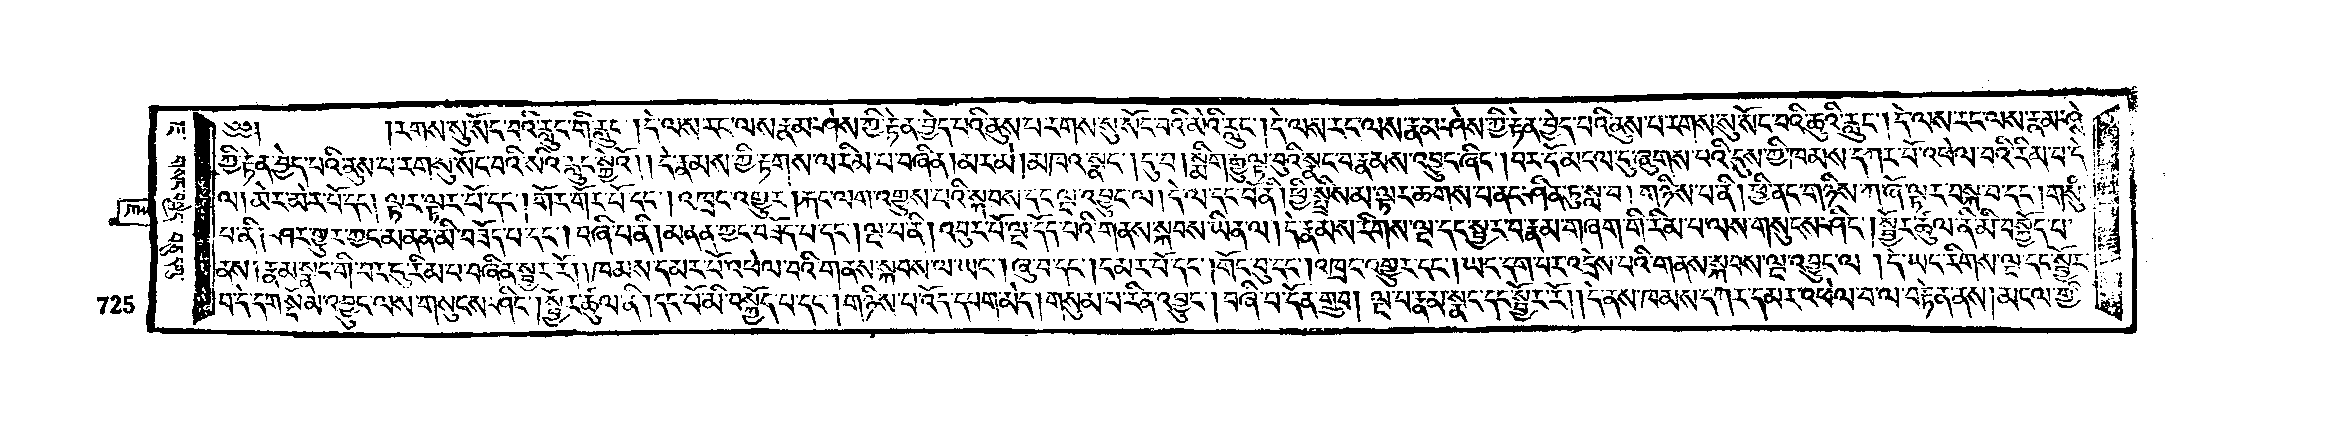༄༅། །རགས་སུ་སོང་བའི་རླུང་གི་རླུང་། དེ་ལས་རང་ལས་རྣམ་ཤེས་ཀྱི་རྟེན་བྱེད་པའི་ནུས་པ་རགས་སུ་སོང་བའི་མེའི་རླུང་། དེ་ལས་རང་ལས་རྣམ་ཤེས་ཀྱི་རྟེན་བྱེད་པའི་ནུས་པ་རགས་སུ་སོང་བའི་ཆུའི་རླུང་། དེ་ལས་རང་ལས་རྣམ་ཤེས་
ཀྱི་རྟེན་བྱེད་པའི་ནུས་པ་རགས་སུ་སོང་བའི་སའི་རླུང་སྐྱེའོ། །དེ་རྣམས་ཀྱི་རྟགས་ལ་རིམ་པ་བཞིན། མར་མེ། མཁའ་སྣང་། དུ་བ། སྨིག་རྒྱུ་ལྟ་བུའི་སྣང་བ་རྣམས་འབྱུང་ཞིང་། བར་དོ་མངལ་དུ་ཞུགས་པའི་དུས་ཀྱི་ཁམས་དཀར་པོ་འཕེལ་བའི་རིམ་པ་དེ་
ལ། མེར་མེར་པོ་དང་། ལྟར་ལྟར་པོ་དང་། གོར་གོར་པོ་དང་། འཁྲང་འགྱུར་།རྐང་ལག་འགྱུས་པའི་སྐབས་དང་ལྔ་འབྱུང་ལ། དེ་ལ་དང་པོ་ནི། ཕྱི་སྤྲིས་མ་ལྟར་ཆགས་པ་ནང་ཤིན་ཏུ་སླ་བ། གཉིས་པ་ནི། ཕྱི་ནང་གཉིས་ཀ་ཞོ་ལྟར་བསྐ་བ་དང་། གསུམ་
པ་ནི། ཤར་གྱུར་ཀྱང་མན་ན་མི་བཟོད་པ་དང་། བཞི་པ་ནི། མནན་ཀྱང་བཟོད་པ་དང་། ལྔ་པ་ནི། འབུར་པོ་ལྔ་དོད་པའི་གནས་སྐབས་ཡིན་ལ། དེ་རྣམས་རིགས་ལྔ་དང་སྦྱར་བ་རྣམ་གཞག་གི་རིམ་པ་ལས་གསུངས་ཤིང་།སྦྱོར་ཚུལ་ནི་མི་བསྐྱོད་པ་
ནས། རྣམ་སྣང་གི་བར་དུ་རིམ་པ་བཞིན་སྦྱར་རོ། །ཁམས་དམར་པོ་འཕེལ་བའི་གནས་སྐབས་ལ་ཡང་། ཞུ་བ་དང་། དམར་པོ་དང་། གོང་བུ་དང་། འཁྲང་འགྱུར་དང་། ཡང་དག་པར་འདྲེས་པའི་གནས་སྐབས་ལྔ་འབྱུང་ལ། དེ་ཡང་རིགས་ལྔ་དང་སྦྱོར་
བ་དེ་དག་སྡོམ་འབྱུང་ལས་གསུངས་ཤིང་།སྦྱོར་ཚུལ་ནི། དང་པོ་མི་བསྐྱོད་པ་དང་། གཉིས་པ་འོད་དཔག་མེད། གསུམ་པ་རིན་འབྱུང་། བཞི་པ་དོན་གྲུབ། ལྔ་པ་རྣམ་སྣང་དང་སྦྱོར་རོ། །དེ་ནས་ཁམས་དཀར་དམར་འཕེལ་བ་ལ་བརྟེན་ནས། མངལ་གྱི་